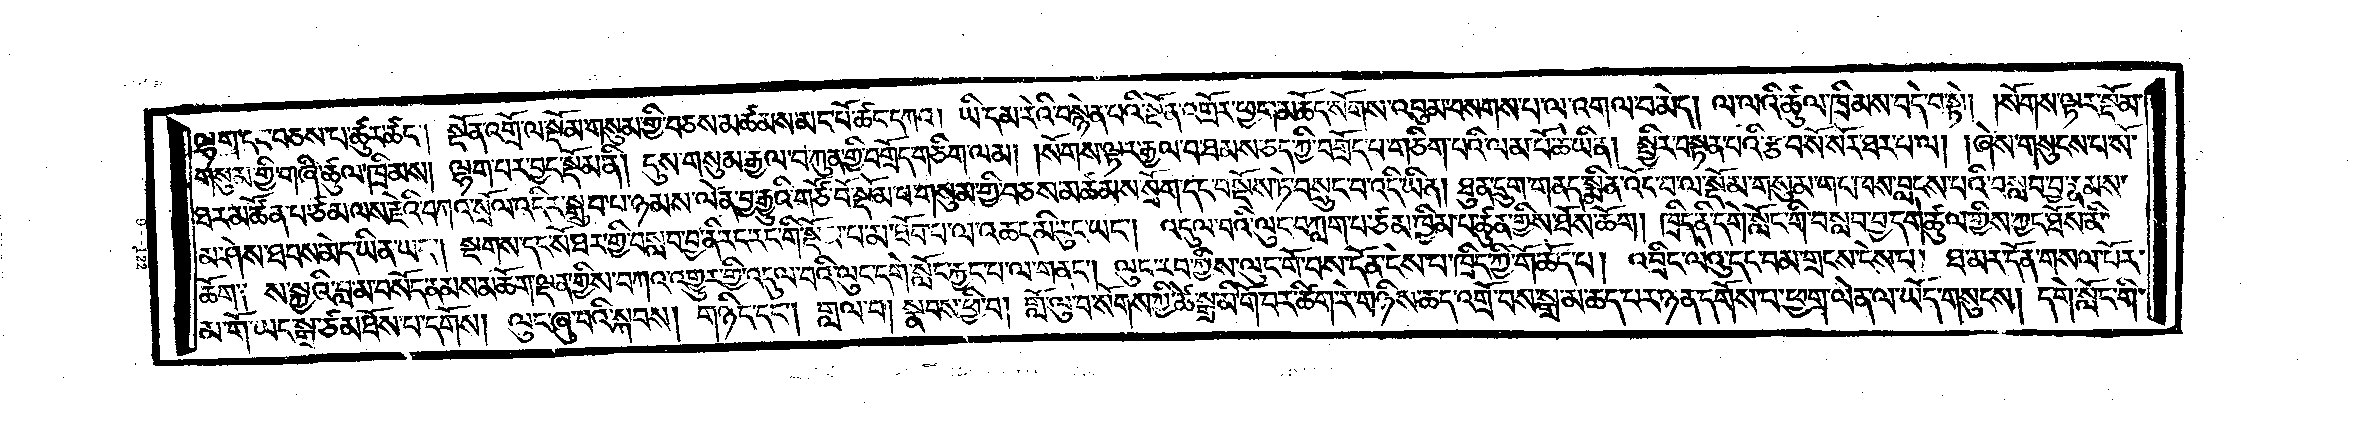ལྷག་དང་བཅས་པ་ཚུར་ཚང་། སྔོན་འགྲོ་ལ་སྡོམ་གསུམ་གྱི་བཅས་མཚམས་མང་པོ་ཚང་དཀའ། ཡི་དམ་རེའི་བསྙེན་པའི་སྔོན་འགྲོར་ཕྱག་མཆོད་སོགས་འབུམ་བསགས་པ་ལ་འགལ་བ་མེད། ལ་ལའི་ཚུལ་ཁྲིམས་བདེ་བ་སྟེ། །སོགས་ལྟར་སྡོམ་
གསུམ་གྱི་གཞི་ཚུལ་ཁྲིམས། ལྷག་པར་བྱང་སྡོམ་ནི། དུས་གསུམ་རྒྱལ་བ་ཀུན་གྱི་བགྲོད་གཅིག་ལམ། །སོགས་ལྟར་རྒྱལ་བ་ཐམས་ཅད་ཀྱི་བགྲོད་པ་གཅིག་པའི་ལམ་པོ་ཆེ་ཡིན། སྤྱིར་བསྟན་པའི་རྩ་བ་སོ་སོར་ཐར་པ་ལ། །ཞེས་གསུངས་པ་སོ་
ཐར་མཚོན་པ་ཙམ་ལས་རྗེའི་བཀའ་སྲོལ་འདིར་སྒྲུབ་པ་ཉམས་ལེན་བྱ་རྒྱུའི་གཙོ་བོ་སྡོམ་པ་གསུམ་གྱི་བཅས་མཚམས་སྲོག་དང་བསྡོས་ཏེ་བསྲུང་བ་འདི་ཡིན། ཐུན་དྲུག་གནང་སྨིན་འོང་བ་ལ་སྡོམ་གསུམ་གང་ཁས་བླངས་པའི་བསླབ་བྱ་རྣམས་
མ་ཤེས་ཐབས་མེད་ཡིན་ཡང་། སྔགས་དང་སོ་ཐར་གྱི་བསླབ་བྱ་ནི་རང་རང་གི་སྡོམ་པ་མ་ཐོབ་བ་ལ་འཆད་མི་རུང་ཡང་། འདུལ་བའི་ལུང་བཀླག་པ་ཙམ་ཁྱིམ་པ་ཚུན་གྱིས་ཐོས་ཆོག །ཁྲིད་ནི་དགེ་སློང་གི་བསླབ་བྱ་དགེ་ཚུལ་གྱིས་ཀྱང་ཐོས་མི་
ཆོག །ས་སྐྱའི་བླ་མ་བསོད་ནམས་མཆོག་ལྡན་གྱིས་བཀའ་འགྱུར་གྱི་འདུལ་བའི་ལུང་དགེ་སློང་རྐྱང་པ་ལ་གནང་། ལུང་རབ་ཀྱིས་ལུང་གོ་བས་དོན་ངེས་པ་ཁྲིད་ཀྱི་གོ་ཆོད་པ། འབྲིང་ལེའུ་དང་བམ་གྲངས་ངེས་པ། ཐ་མར་དོན་གསལ་པོར་
མ་གོ་ཡང་སྒྲ་ཙམ་ཐོས་པ་དགོས། ལུང་ཞུ་བའི་སྐབས། གཉིད་དང་། གླལ་པ། སྣབས་ཕྱི་བ། གློ་ལུ་བ་སོགས་ཀྱི་ཚེ་སྒྲ་མི་གོ་བར་ཚིག་རེ་གཉིས་ཆང་འགྲོ་བས་སྒྲ་མ་ཆད་པར་ཉན་དགོས་པ་ཕྱག་ལེན་ལ་ཡོད་གསུངས། དགེ་སློང་གི་